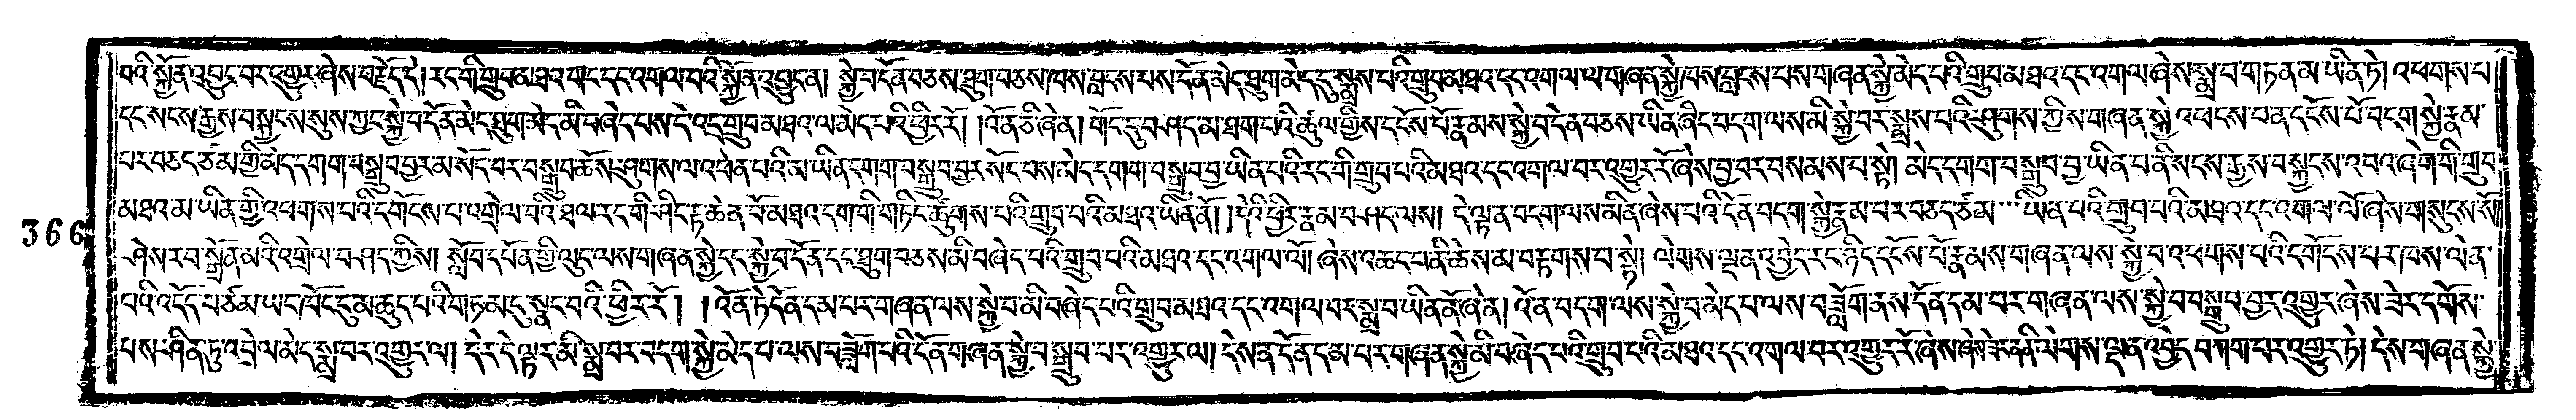བའི་སྐྱོན་འབྱུང་བར་འགྱུར་ཞེས་བརྗོད་དེ། རང་གི་གྲུབ་མཐའ་གང་དང་འགལ་བའི་སྐྱོན་འབྱུང་ན། སྐྱེ་བ་དོན་བཅས་ཐུག་བཅས་ཁས་བླངས་པས་དོན་མེད་ཐུག་མེད་དུ་སྨྲས་པའི་གྲུབ་མཐའ་དང་འགལ་ལ་གཞན་སྐྱེ་ཁས་བླངས་པས་གཞན་སྐྱེ་མེད་པའི་གྲུབ་མཐའ་དང་འགལ་ཞེས་སྨྲ་བ་གཏན་མ་ཡིན་ཏེ། འཕགས་པ་
དང་སངས་རྒྱས་བསྐྱངས་སུས་ཀྱང་སྐྱེ་བ་དོན་མེད་ཐུག་མེད་མི་བཞེད་པས་དེ་འདྲ་གྲུབ་མཐའ་ལ་མེད་པའི་ཕྱིར་རོ། །འོ་ན་ཅི་ཞེ་ན། གོང་དུ་བཤད་མ་ཐག་པའི་ཚུལ་གྱིས་དངོས་པོ་རྣམས་སྐྱེ་བ་དེན་བཅས་ཡིན་ཞིང་བདག་ལས་མི་སྐྱེ་བར་སྨྲས་པའི་ཤུགས་ཀྱིས་གཞན་སྐྱེ་འཕངས་པ་ན་དངོས་པོ་བདག་སྐྱེ་རྣམ་
པར་བཅད་ཙམ་གྱི་མེད་དགག་བསྒྲུབ་བྱར་མ་སོང་བར་བསྒྲུབ་ཆོས་ཤུགས་ལ་འཕན་པའི་མ་ཡིན་དགག་བསྒྲུབ་བྱར་སོང་བས་མེད་དགག་བསྒྲུབ་བྱ་ཡིན་པའི་རང་གི་གྲུབ་པའི་མཐའ་དང་འགལ་བར་འགྱུར་རོ་ཞེས་བྱ་བར་བསམས་པ་སྟེ། མེད་དགག་བསྒྲུབ་བྱ་ཡིན་པ་ནི་སངས་རྒྱས་བསྐྱངས་འབའ་ཞིག་གི་གྲུབ་
མཐའ་མ་ཡིན་གྱི་འཕགས་པའི་དགོངས་པ་འགྲེལ་བའི་ཐལ་རང་གི་ཤིང་རྟ་ཆེན་པོ་མཐའ་དག་གི་གཏིང་ཚུགས་པའི་གྲུབ་པའི་མཐའ་ཡིན་ནོ། །དེའི་ཕྱིར་རྣམ་བཤད་ལས། དེ་ལྟ་ན་བདག་ལས་མིན་ཞེས་པའི་དོན་བདག་སྐྱེ་རྣམ་པར་བཅད་ཙམ་ཡིན་པའི་གྲུབ་པའི་མཐའ་དང་འགལ་ལོ་ཞེས་གསུངས་སོ།
ཤེས་རབ་སྒྲོན་མའི་འགྲེལ་བཤད་ཀྱིས། སློབ་དཔོན་གྱི་ལུང་ལས་གཞན་སྐྱེ་དང་སྐྱེ་བ་དོན་དང་ཐུག་བཅས་མི་བཞེད་པའི་གྲུབ་པའི་མཐའ་དང་འགལ་ལོ། ཞེས་འཆད་པ་ནི་ཆེས་མ་བརྟགས་པ་སྟེ། ལེགས་ལྡན་འབྱེད་རང་ཉིད་དངོས་པོ་རྣམས་གཞན་ལས་སྐྱེ་བ་འཕགས་པའི་དགོངས་པར་ཁས་ལེན་
པའི་འདོད་པ་ཙམ་ཡང་ཁོང་དུ་མ་ཆུད་པའི་གཏམ་དུ་སྣང་བའི་ཕྱིར་རོ། །འོན་ཏེ་དོན་དམ་པར་གཞན་ལས་སྐྱེ་བ་མི་བཞེད་པའི་གྲུབ་མཐའ་དང་འགལ་བར་སྨྲ་བ་ཡིན་ནོ་ཞེ་ན། འོ་ན་བདག་ལས་སྐྱེ་བ་མེད་པ་ལས་བཟློག་ནས་དོན་དམ་པར་གཞན་ལས་སྐྱེ་བ་བསྒྲུབ་བྱར་འགྱུར་ཞེས་ཟེར་དགོས་
པས་ཤིན་ཏུ་འབྲེལ་མེད་སྨྲ་བར་འགྱུར་ལ། དེར་དེ་ལྟར་མ་སྨྲ་བར་བདག་སྐྱེ་མེད་པ་ལས་བཟློག་པའི་དོན་གཞན་སྐྱེ་བསྒྲུབ་པར་འགྱུར་ལ། དེས་ན་དོན་དམ་པར་གཞན་སྐྱེ་མི་བཞེད་པའི་གྲུབ་པའི་མཐའ་དང་འགལ་བར་འགྱུར་རོ་ཞེས་ཞེས་ཟེར་ན་ནི་ལེགས་ལྡན་འབྱེད་བཀག་པར་འགྱུར་ཏེ། དེས་གཞན་སྐྱེ་